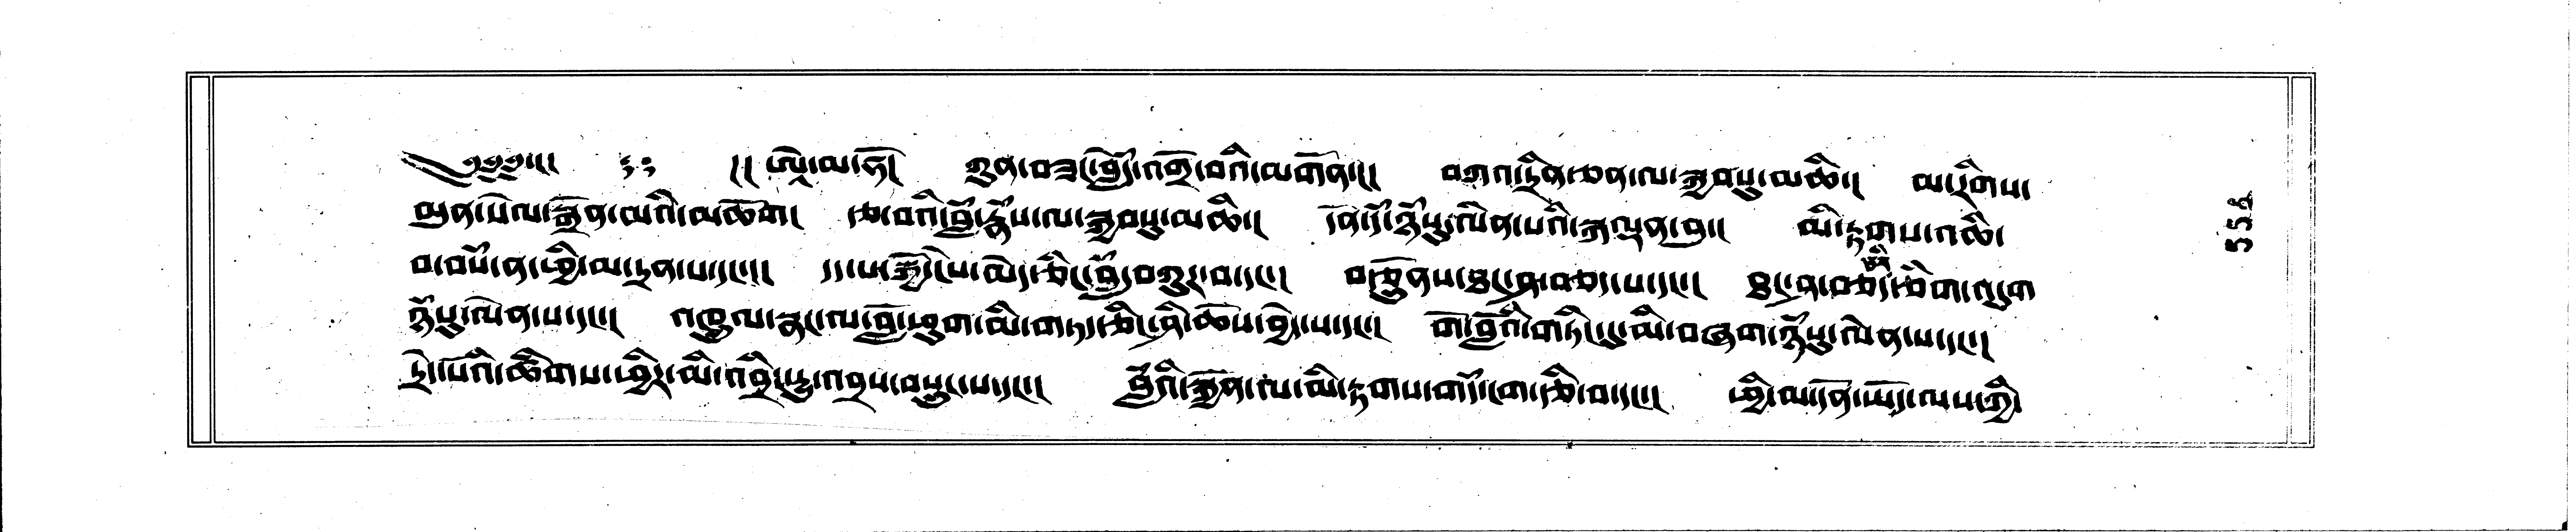ཨེ་མ་ཧོ། ཀུན་བཟང་བླ་མེད་འགྲོ་བའི་མགོན། བཀའ་དྲིན་ཅན་ལ་སྐྱབས་སུ་མཆི། ཚེ་དབང་དབང་ལྡན་རིག་འཛིན་གཤེན། ཐར་ལམ་འདྲེན་ལ་སྐྱབས་སུ་མཆིའོ། མ་རིག་
མུན་སེལ་སྒྲོན་མེའི་མཆོག རྩ་བའི་བླ་མ་ལ་སྐྱབས་སུ་མཆི། དོན་དམ་ཉམས་སུ་ལེན་པའི་སྐལ་ལྡན་བུ། མི་རྟག་འཆི་
བ་བསམ་ནས་ཕྱི་མ་དྲན་པ་དང་། དད་པ་སྐྱོ་ངས་མེད་ཅིང་བླ་མ་བཀུར་བ་དང་། བརྩོན་འགྲུས་ཐང་ཤ་བཅད་པ་དང་། ཐང་ཤ་བཅད་ཅིང་ཅིག་འདུག་
ཉམས་སུ་ལེན་པ་དང་། འཁྲུལ་སྣང་ལ་བློ་ཕུག་མི་གཏད་ཅིང་ཤི་ཆུས་བྱེད་པ་དང་། གོ་བློའི་སྟེང་དུ་མི་བཞག་ཉམས་སུ་ལེན་པ་དང་།
 དྲེད་པའི་ཚིག་ཕྱིར་མི་འབྲིང་༼འབྲེང༽རྒྱུ་འབྲས་སྲུངས་པ་དང་། བླ་མའི་སྐྱོན་ལ་མི་རྟགས་༼བརྟག༽གདམས་ངག་རྩི་བ་དང་། ཕྱི་མ་དོན་ཡོད་ལས་ཀྱི་